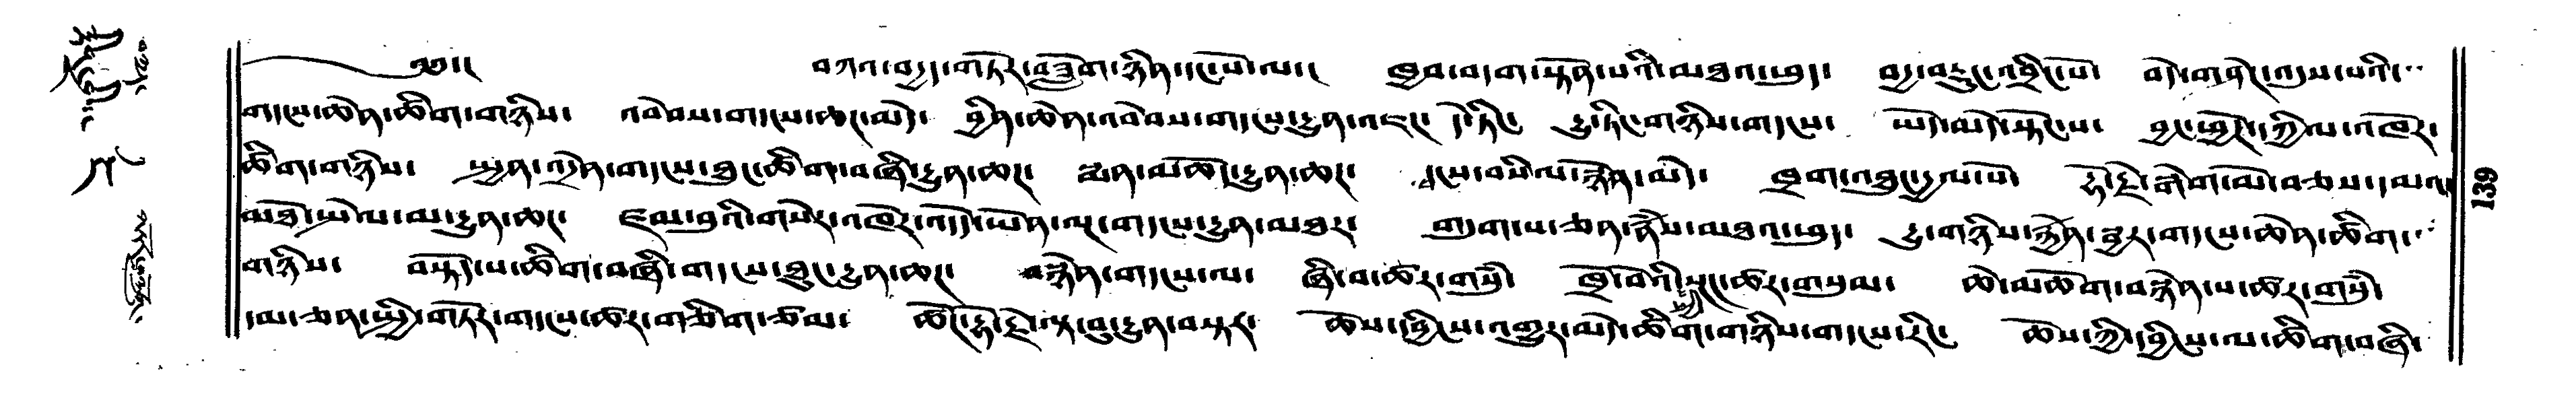༄༅། བཀའ་བརྒྱད་གཏོར་ཟློག་ཉིན་དང་པོ་ལ། ཁྱབ་བདག་སྟོན་པ༴ མཐའ་ཕུད། བརྒྱ་རྡུང་འབྲིང་པོ། བདེ་གཤེགས་འདུས་པའི་
གདངས་ཆེན་ཚིག་གཉིས། འབེབས་གདངས་ཆགས་མེད། བྱིན་ཆེན་འབེབས་གདངས་རྒྱུན་འཇགས། དེ་ཏིང་། རྒྱུ་ཏིང་གཉིེས་གདངས། ཡོད་མེད་སྟོང་པ། བྱང་ཕྱོགས་དཀྱིལ་འཁོར་
ཚིག་གཉིས། སྤྱན་འདྲེན་གདངས་ཐུང་ཚིག་བཞི་རྒྱུན་ཆགས། སྨན་མཆོད་རྒྱུན་ཆགས། དྭངས་བསིལ་སྙོག་མེད༴ ཁྲག་འཐུང་རྒྱལ་པོ༴ རྡོ་རྗེ་སྒེག་མོ༴ བཅས་དམའ་
མཐོ་སྤེལ་མ་རྒྱུན་ཆགས། འཛམ་བུའི་གསེར་འཁོར༴ འདོད་ཡོན་ལྔ༴ གདངས་རྒྱུན་མཐར། གདུག་པ་ཅན་རྣམས༴ མཐའ་ཕུད། རྒྱུ་གཉིས་རྐྱེན་སྦྱར༴ གདངས་ཆེན་ཚིག་
གཉིས། བསྟོད་པ་ཚིག་བཞི་གདངས་ཐུང་རྒྱུན་ཆགས། སྙེན་གདངས་ལ། ཞི་བ་ཚར་གསུམ། ཁྲོ་བོའི་སྤྱི་སྔགས་ཚར་གསུམ། ཆེ་མཆོག་སྙེན་པ་ཚར་གསུམ། 
དམ་ཅན་སྤྱི་གཏོར་གདངས་ཚར་གཅིག་ཙམ། ཚོགས། རྡོ་རྗེ་ལྟ་བུ༴ རྒྱུན་བསྟར། ཆོས་དབྱིངས་འགྱུར་མེད༴ ཚིག་གཉིས་གདངས་རིང་། ཆོས་ཀྱི་དབྱིངས༴ ཚིག་བཞི།